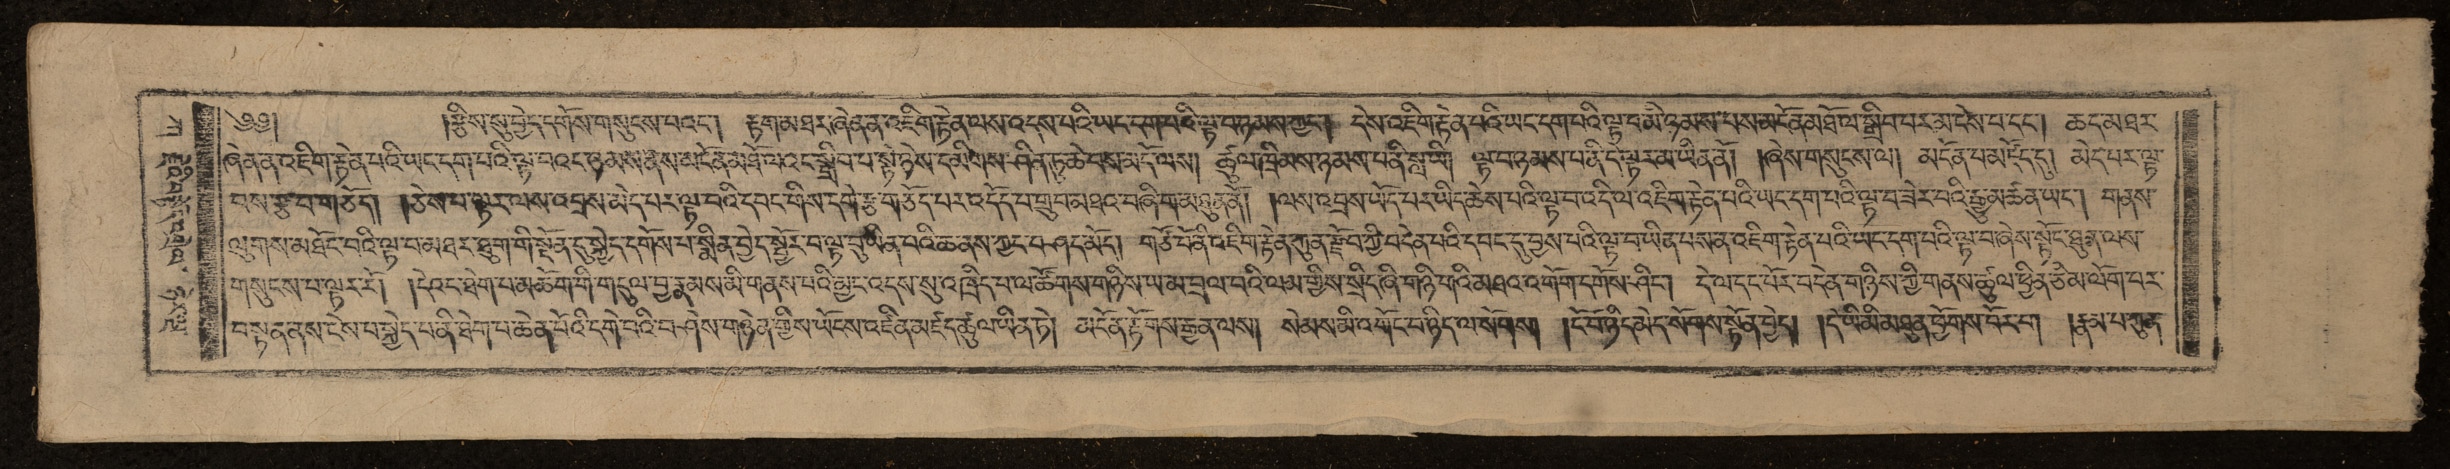༄༅། །རྩིས་སུ་བྱེད་དགོས་གསུངས་པའང་། རྟག་མཐར་ཞེན་ན་འཇིག་རྟེན་ལས་འདས་པའི་ཡང་དག་པའི་ལྟ་བ་ཉམས་ཀྱང་། དེས་འཇིག་རྟེན་པའི་ཡང་དག་པའི་ལྟ་བ་མི་ཉམས་པས་མངོན་མཐོ་ལ་སྒྲིབ་པར་མ་ངེས་པ་དང་། ཆད་མཐར་
ཞེན་ན་འཇིག་རྟེན་བའི་ཡང་དག་པའི་ལྟ་བའང་ཉམས་ནས་མངོན་མཐོ་ལའང་སྒྲིབ་པ་སྟེ་ཉེས་དམིགས་ཤིན་ཏུ་ཆེ་བས་མདོ་ལས། ཚུལ་ཁྲིམས་ཉམས་བ་ནི་སླ་ཡི། ལྟ་བ་ཉམས་པ་ནི་དེ་ལྟར་མ་ཡིན་ནོ། །ཞེས་གསུངས་ལ། མངོན་པ་མཛོད་དུ། མེད་བར་ལྟ་
བས་རྩ་བ་གཅོད། །ཅེས་པ་ལྟར་ལས་འབྲས་མེད་བར་ལྟ་བའི་དབང་གིས་དགེ་རྩ་གཅོད་བར་འདོད་པ་གྲུབ་མཐའ་བཞིག་མཐུན་ནོ། །ལས་འབྲས་ཡོད་པར་ཡིད་ཆེས་པའི་ལྟ་བ་འདི་ལ་འཇིག་རྟེན་པའི་ཡང་དག་པའི་ལྟ་བ་ཟེར་བའི་རྒྱུ་མཚན་ཡང་། གནས་
ལུགས་མཐོང་བའི་ལྟ་བ་མཐར་ཐུག་གི་སྔོན་དུ་སྐྱེད་དགོས་པ་སྨིན་བྱེད་སྦྱོར་བ་ལྟ་བུ་ཡིན་པའི་ཆ་ནས་ཀྱང་བཤད་མོད། གཙོ་བོ་ནི་འཇིག་རྟེན་ཀུན་རྫོབ་ཀྱི་བདེན་པའི་དབང་དུ་བྱས་པའི་ལྟ་བ་ཡིན་པས་ན་འཇིག་རྟེན་པའི་ཡང་དག་པའི་ལྟ་བ་ཞེས་སྟོང་ཐུན་ལས་
གསུངས་པ་ལྟར་རོ། །དེའང་ཐེག་པ་མཆོག་གི་གདུལ་བྱ་རྣམས་མི་གནས་བའི་མྱང་འདས་སུ་འཁྲིད་པ་ལ་ཚོགས་གཉིས་ཡམ་བྲལ་པའི་ལམ་གྱིས་སྲིད་ཞི་གཉི་གའི་མཐའ་འགོག་དགོས་ཤིང་། དེ་ལ་དང་པོར་བདེན་གཉིས་ཀྱི་གནས་ཚུལ་ཕྱིན་ཅི་མ་ལོག་པར་
བསྟན་ནས་ངེས་པ་སྐྱེད་པ་ནི་ཐེག་པ་ཆེན་པོའི་དགེ་བའི་བཤེས་གཉེན་གྱིས་ཡོངས་འཛིན་མཛད་ཚུལ་ཡིན་ཏེ། མངོན་རྟོགས་རྒྱན་ལས། སེམས་མི་འགོང་བ་ཉིད་ལ་སོགས། །ངོ་བོ་ཉིད་མེད་སོགས་སྟོན་བྱེད། །དེ་ཡི་མི་མཐུན་ཕྱོགས་བོར་བ། །རྣམ་པ་ཀུན་